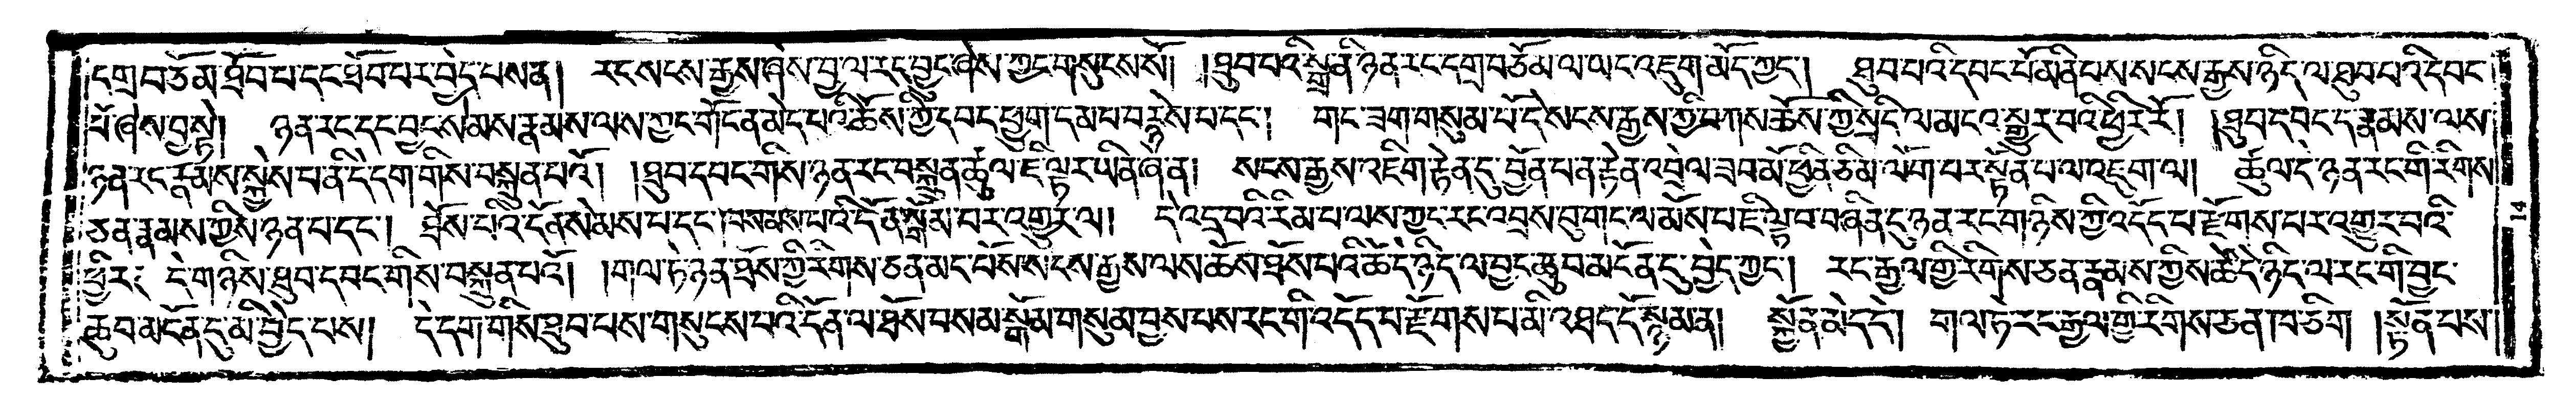དགྲ་བཅོམ་ཐོབ་པ་དང་ཐོབ་པར་བྱེད་པས་ན། རང་སངས་རྒྱས་ཞེས་བྱ་བ་རང་བྱུང་ཞེས་ཀྱང་གསུངས་སོ། །ཐུབ་པའི་སྒྲ་ནི་ཉན་རང་དགྲ་བཅོམ་ལ་ཡང་འཇུག་མོད་ཀྱང་། ཐུབ་པའི་དབང་པོ་མིན་པས་སངས་རྒྱས་ཉིད་ལ་ཐུབ་པའི་དབང་
པོ་ཞེས་བྱ་སྟེ། ཉན་རང་དང་བྱང་སེམས་རྣམས་ལས་ཀྱང་གོང་ན་མེད་པའི་ཆོས་ཀྱི་དབང་ཕྱུག་དམ་པ་བརྙེས་པ་དང་། གང་ཟག་གསུམ་པོ་དེ་སངས་རྒྱས་ཀྱི་བཀས་ཆོས་ཀྱི་སྲིད་ལ་མངའ་སྒྱུར་བའི་ཕྱིར་རོ། །ཐུབ་དབང་དེ་རྣམས་ལས་
ཉན་རང་རྣམས་སྐྱེས་པ་ནི་དེ་དག་གིས་བསྐྲུན་པའོ། །ཐུབ་དབང་གིས་ཉན་རང་བསྐྲུན་ཚུལ་ཇི་ལྟར་ཡིན་ཞེ་ན། སངས་རྒྱས་འཇིག་རྟེན་དུ་བྱོན་པ་ན་རྟེན་འབྲེལ་ཟབ་མོ་ཕྱིན་ཅི་མ་ལོག་པར་སྟོན་པ་ལ་འཇུག་ལ། ཚུལ་དེ་ཉན་རང་གི་རིགས་
ཅན་རྣམས་ཀྱིས་ཉན་པ་དང་། ཐོས་པའི་དོན་སེམས་པ་དང་། བསམས་པའི་དོན་སྒོམ་པར་འགྱུར་ལ། དེ་འདྲ་བའི་རིམ་པ་ལས་ཀྱང་རང་འབྲས་བུ་གང་ལ་མོས་པ་ཇི་ལྟ་བ་བཞིན་དུ་ཉན་རང་གཉིས་ཀྱི་འདོད་པ་རྫོགས་པར་འགྱུར་བའི་
ཕྱིར༑ དེ་གཉིས་ཐུབ་དབང་གིས་བསྐྲུན་པའོ། །གལ་ཏེ་ཉན་ཐོས་ཀྱི་རིགས་ཅན་མང་པོས་སངས་རྒྱས་ལས་ཆོས་ཐོས་པའི་ཚེ་དེ་ཉིད་ལ་བྱང་ཆུབ་མངོན་དུ་བྱེད་ཀྱང་། རང་རྒྱལ་གྱི་རིགས་ཅན་རྣམས་ཀྱིས་ཚེ་དེ་ཉིད་ལ་རང་གི་བྱང་
ཆུབ་མངོན་དུ་མི་བྱེད་པས། དེ་དག་གིས་ཐུབ་པས་གསུངས་པའི་དོན་ལ་ཐོས་བསམ་སྒོམ་གསུམ་བྱས་པས་རང་གི་འདོད་པ་རྫོགས་པ་མི་འཐད་དོ་སྙམ་ན། སྐྱོན་མེད་དེ། གལ་ཏེ་རང་རྒྱལ་གྱི་རིགས་ཅན་ཁ་ཅིག །སྟོན་པས་